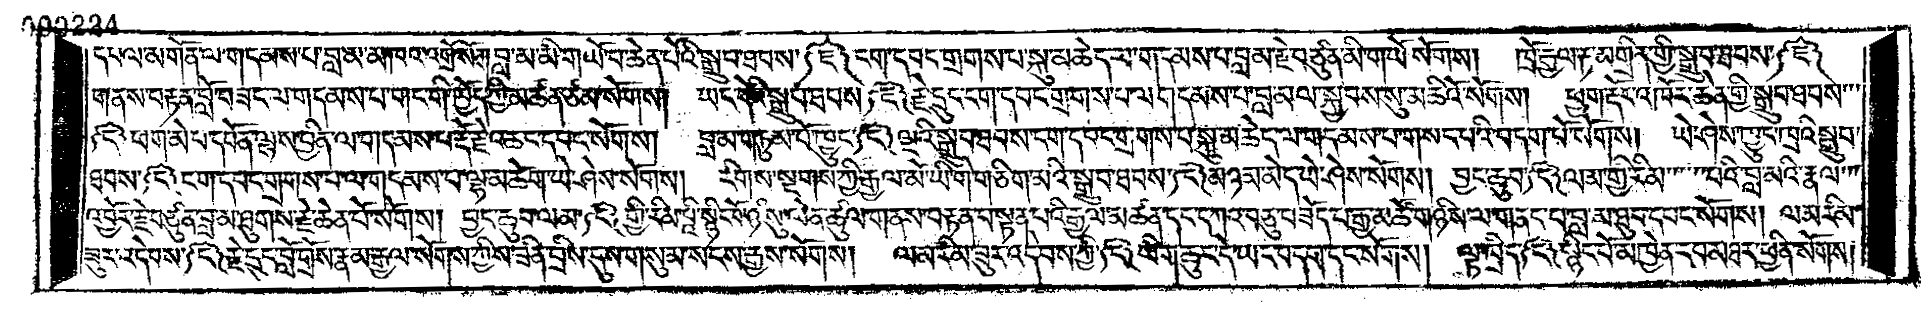དཔལ་མགོན་ལ་གདམས་པ་བླ་མ་མཁའ་འགྲོ་སོཊ། བླ་མ་མི་གཡོ་བ་ཆེན་པོའི་སྒྲུབ་ཐབས ༼ཇ༽ ངག་དབང་གྲགས་པ་སྐུ་མཆེད་ལ་གདམས་པ་བླ་མ་རྗེ་བཙུན་མི་གཡོ་སོགས། ཁྲོ་རྒྱལ་རྟ་མགྲིན་གྱི་སྒྲུབ་ཐབས ༼ཇ༽
གནས་བརྟན་བློ་བཟང་ལ་གདམས་པ་གང་གི་ཁྱོད་ཀྱི་མཚན་ཙམ་སོགས། ཡང་དེའི་སྒྲུབ་ཐབས ༼ཇ༽ རྗེ་དྲུང་ངག་དབང་གྲགས་པ་ལ་གདམས་པ་བླ་མ་ལ་སྐྱབས་སུ་མཆིའོ་སོགས། ཕྱག་རྡོར་འཁོར་ཆེན་གྱི་སྒྲུབ་ཐབས ༼ང༽ ཕག་མེ་པ་དབོན་ལྷས་བྱིན་ལ་གདམས་པ་རྡོ་རྗེ་འཆང་དབང་སོགས། བླ་མ་གཏུམ་པོ་ཁྱུང ༼ང༽ ལྔའི་སྒྲུབ་ཐབས་ངག་དབང་གྲགས་པ་སྐུ་མཆེད་ལ་གདམས་པ་གསང་པའི་བདག་པོ་སོགས། ཡེ་ཤེས་ཁྱུང་ཁྲའི་སྒྲུབ་
ཐབས ༼ང༽ ངག་དབང་གྲགས་པ་ལ་གདམས་པ་ལྷ་མཆོག་ཡེ་ཤེས་སོགས། རིགས་སྔགས་ཀྱི་རྒྱལ་མོ་ཡི་གེ་གཅིག་མའི་སྒྲུབ་ཐབས ༼ང༽ མཉམ་མེད་ཡེ་ཤེས་སོགས། བྱང་ཆུབ ༼ང༽ ལམ་གྱི་རིམ་པའི་བླ་མའི་རྣལ་
འབྱོར་རྗེ་བཙུན་བླ་མ་ཐུགས་རྗེ་ཆེན་པོ་སོགས། བྱང་ཆུབ་ལམ ༼ང༽ གྱི་རིམ་པཱི་སྙིང་བོ་ཉཾ་སུ་ལེན་ཚུལ་གནས་བརྟན་བསྟན་པའི་རྒྱལ་མཚན་དང་དཀའ་བཅུ་བཟོད་པ་རྒྱ་མཚོ་གཉིས་ལ་གནང་བ་བླ་མ་ཐུབ་དབང་སོགས། ལམ་རིམ་
ཟུར་འདེབས ༼ང༽ རྗེ་དྲུང་བློ་གྲོས་རྣམ་རྒྱལ་སོགས་ཀྱིས་ཟིན་བྲིས་དུས་གསུམ་སངས་རྒྱས་སོགས། ལམ་རིམ་ཟུར་འདེབས་ཀྱི ༼ང༽ ཡིག་ཆུང་དེ་ཡང་བདག་དང་སོགས། ལྟ་ཁྲིད ༼ང༽ སྙིང་པོ་མཁྱེན་རབ་མཐར་ཕྱིན་སོགས།